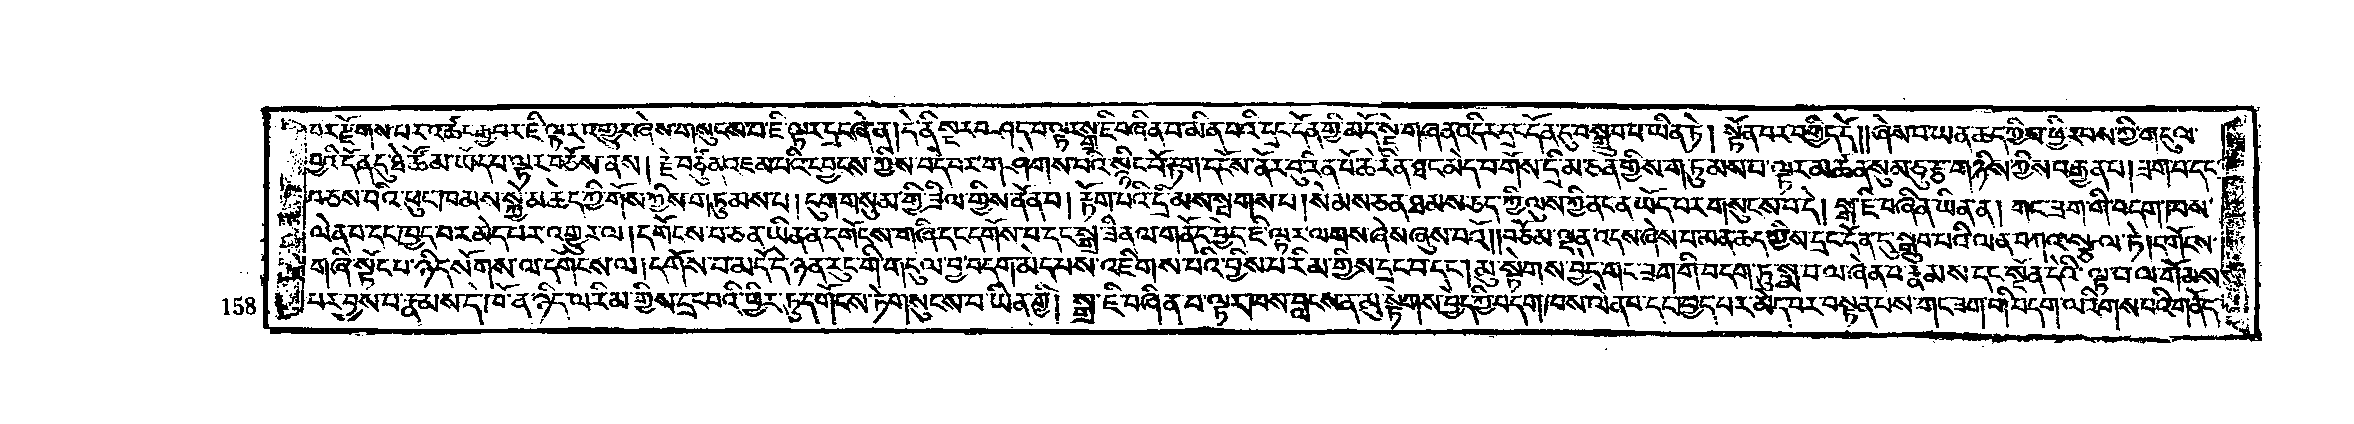པར་རྫོགས་པར་འཚང་རྒྱ་བར་ཇི་ལྟར་འགྱུར་ཞེས་གསུངས་པ་ཇི་ལྟར་དྲང་ཞེ་ན། དེ་ནི་སྔར་བཤད་པ་ལྟར་སྒྲ་ཇི་བཞིན་པ་མིན་པའི་དྲང་དོན་གྱི་མདོ་སྡེ་གཞན་འདིར་དྲང་དོན་དུ་བསྒྲུབ་པ་ཡིན་ཏེ། སྟོན་པར་བགྱིད་དོ། །ཞེས་པ་ཡན་ཆད་ཀྱིས་ཕྱི་རབས་ཀྱི་གདུལ་
བྱའི་དོན་དུ་ཐེ་ཚོམ་ཡོད་པ་ལྟར་བཅོས་ནས། རྗེ་བཙུན་འཇམ་པའི་དབྱངས་ཀྱིས་བདེ་བར་གཤེགས་པའི་སྙིང་པོ་རྟག་དངོས་ནོར་བུ་རིན་པོ་ཆེ་རིན་ཐང་མེད་པ་གོས་དྲི་མ་ཅན་གྱིས་གཏུམས?་པ་ལྟར་མཚན་སུམ་ཅུ་རྩ་གཉིས་ཀྱིས་བརྒྱན་པ། ཟག་པ་དང་
བཅས་པའི་ཕུང་ཁམས་སྐྱེ་མཆེད་ཀྱི་གོས་ཀྱིས་གཏུམས་པ། དུག་གསུམ་གྱི་ཟིལ་གྱིས་ནོན་པ། རྟོག་པའི་དྲི་མས་སྤགས་པ། སེམས་ཅན་ཐམས་ཅད་ཀྱི་ལུས་ཀྱི་ནང་ན་ཡོད་པར་གསུངས་པ་དེ། སྒྲ་ཇི་བཞིན་ཡིན་ན། གང་ཟག་གི་བདག་ཁས་
ལེན་པ་དང་ཁྱད་པར་མེད་པར་འགྱུར་ལ། དགོངས་པ་ཅན་ཡིན་ན་དགོངས་གཞི་དང་དགོས་པ་དང་སྒྲ་ཟིན་ལ་གནོད་བྱེད་ཇི་ལྟར་ལགས་ཞེས་ཞུས་པའོ། །བཅོམ་ལྡན་འདས་ཞེས་པ་མན་ཆད་ཀྱིས་དྲང་དོན་དུ་སྒྲུབ་པའི་ལན་བཀའ་སྩལ་ཏེ། དགོངས་
གཞི་སྟོང་པ་ཉིད་སོགས་ལ་དགོངས་ལ། དགོས་པ་མདོ་དེ་ཉན་རུང་གི་གདུལ་བྱ་བདག་མེད་པས་འཇིགས་པའི་བྱིས་པ་རིམ་གྱིས་དྲང་བ་དང་། མུ་སྟེགས་བྱེད་གང་ཟག་གི་བདག་ཏུ་སྨྲ་བ་ལ་ཞེན་པ་རྣམས་དང་སྔོན་དེའི་ལྟ་བ་ལ་གོམས་
པར་བྱས་པ་རྣམས་དེ་ཁོ་ན་ཉིད་ལ་རིམ་གྱིས་དྲང་བའི་ཕྱིར་ཏུ་དགོངས་ཏེ་གསུངས་པ་ཡིན་གྱི་།སྒྲ་ཇི་བཞིན་པ་ལྟར་ཁས་བླངས་ན་མུ་སྟེགས་བྱེད་ཀྱི་བདག་ཁས་ལེན་པ་དང་ཁྱད་པར་མེད་པར་བསྟན་པས་གང་ཟག་གི་བདག་ལ་རིགས་པའི་གནོད་